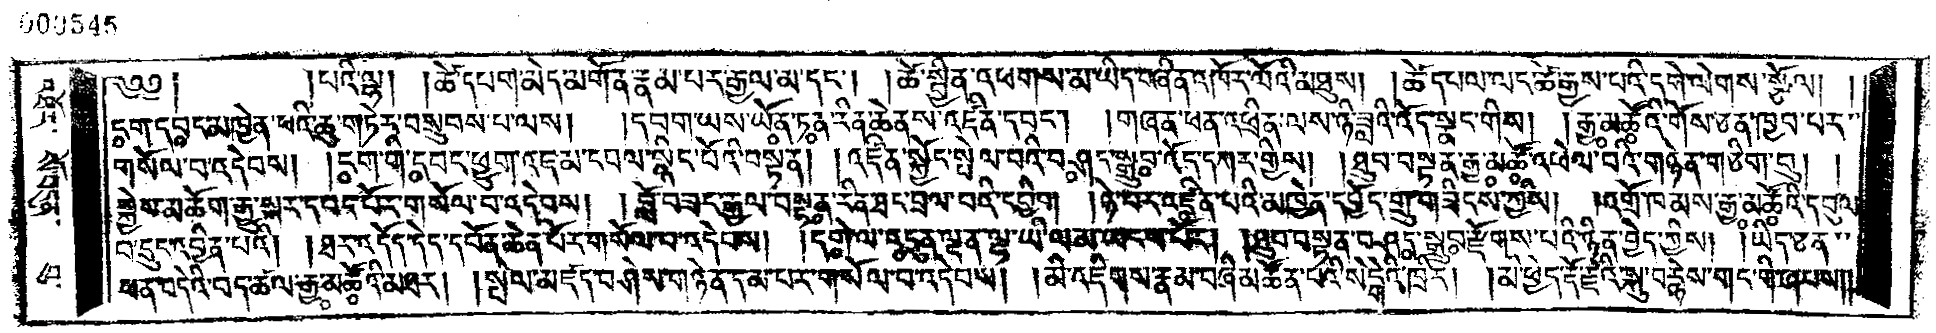༄༅། །པའི་ལྷ། །ཚེ་དཔག་མེད་མགོན་རྣམ་པར་རྒྱལ་བ་དང་། །ཚེ་སྦྱིན་འཕགས་མ་ཡིད་བཞིན་འཁོར་ལོའི་མཐུས། །ཚེ་དཔལ་ལང་ཚེ་རྒྱས་པའི་དགེ་ལེགས་སྩོལ། །
ངག྾་དབང྾་མཁྱེན་པའི་ཆུ་གཏེར་བསྲུབས་པ་ལས། །དབག་ཡས་ཡོན྾་ཏན྾་རིན་ཆེན་ས་འཛིན་དབང་། །གཞན་ཕན་འཕྲིན་ལས་ཉི་ཟླའི་འོད་སྣང་གིས། །རྒྱ྾་མཚོའི྾་གོས་ཅན་ཁྱབ་པར་
གསོལ་བ་འདེབས། །ངག྾་གི་དབང྾་ཕྱུག་འཇམ་དཔལ་སྙིང་པོའི་བསྟན། །འཛིན་སྐྱོང་སྤེལ་བའི་བཤད྾་སྒྲུབ྾་འོད་དཀར་གྱིས། །ཐུབ་བསྟན་རྒྱ྾་མཚོ྾་འཕེལ་བའི་གཉེན་གཅིག་བུ། །
སྐྱེས་མཆོག་རྒྱུ་སྐར་དབང་པོར་གསོལ་བ་འདེབས། །བློ་བཟང་རྒྱལ་བསྟན྾་རིན་ཐང་བྲལ་བའི་དབྱིབ། །ཉེ་བར་འཛིན྾་པའི་མཁྱེན་དཔྱོད་གྲུ་གཟིངས་ཀྱིས། །འགྲོ་ཁམས་རྒྱ྾་མཚོའི྾་དབུལ་
བ་དྲུང་འབྱིན་པའི། །ཐར་འདོད་དེད་དཔོན་ཆེན་པོར་གསོལ་བ་འདེབས། །དགེ྾་ལ་འདུན་ལྡན་ལྷ་ཡི་ལམ་ཡངས་པོར། །ཐུབ་བསྟན་བཤད྾་སྒྲུབ྾་རྫོགས་པའི་ཉིན་བྱེད་ཀྱིས། །ཡིད་ཅན་
ཕན་བདེའི་བད་ཚལ་རྒྱ྾་མཚོའི྾་མཐར། །སྤེལ་མཛད་བཤེས་གཉེན་དམ་པར་གསོལ་བ་འདེབས། །མི་འཇིགས་རྣམ་བཞི་མཚོན་པའི་སེངྒེའི་ཁྲིར། །མི་ཕྱེད་རྡོ་རྗེའི་སྐུ་བརྙེས་གང་གི་ཞབས། །